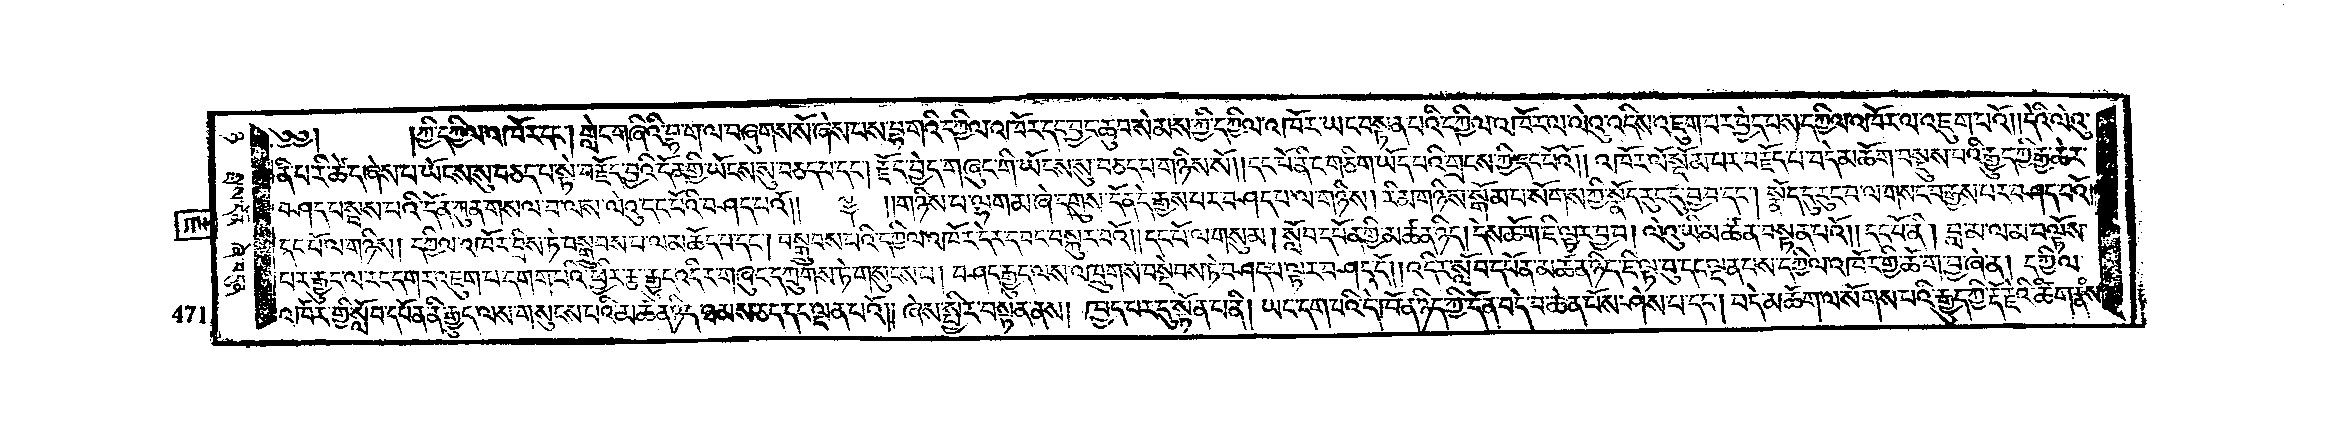༄༅། །ཀྱི་དཀྱིལ་འཁོར་དང་། གླེང་གཞིའི་བྷ་ག་ལ་བཞུགས་སོ་ཞེས་པས་བྷ་གའི་དཀྱིལ་འཁོར་དང་བྱང་ཆུབ་སེམས་ཀྱི་དཀྱིལ་འཁོར་ཡང་བསྟན་པའི་དཀྱིལ་འཁོར་ལ་ལེའུ་འདིས་འཇུག་པར་བྱེད་པས་དཀྱིལ་འཁོར་ལ་འཇུག་པའོ། །དེའི་ལེའུ་
ནི་པ་རི་ཚེ་ད་ཞེས་པ་ཡོངས་སུ་བཅད་པ་སྟེ་བརྗོད་བྱའི་དོན་གྱི་ཡོངས་སུ་བཅད་པ་དང་། རྗོད་བྱེད་གཞུང་གི་ཡོངས་སུ་བཅད་པ་གཉིས་སོ། །དང་པོ་ནི་ང་གཅིག་ཡོད་པའི་གྲངས་ཀྱི་དང་པོའོ། །འཁོར་ལོ་སྡོམ་པར་བརྗོད་པ་བདེ་མཆོག་བསྡུས་པའི་རྒྱུད་ཀྱི་རྒྱ་ཆེར་
བཤད་པ་སྤས་པའི་དོན་ཀུན་གསལ་བ་ལས་ལེའུ་དང་པོའི་བཤད་པའོ།། ༈ །།གཉིས་པ་ལྷག་མ་ཞེ་དགུས་དོན་དེ་རྒྱས་པར་བཤད་པ་ལ་གཉིས། རིམ་གཉིས་སྒོམ་པ་སོགས་ཀྱི་སྣོད་རུང་དུ་བྱ་བ་དང་། སྣོད་དུ་རུང་བ་ལ་གསང་བ་རྒྱས་པར་བཤད་པའོ། །
དང་པོ་ལ་གཉིས། དཀྱིལ་འཁོར་བྲིས་ཏེ་བསྒྲུབས་པ་ལ་མཆོད་པ་དང་། བསྒྲུབས་པའི་དཀྱིལ་འཁོར་དེར་དབང་བསྐུར་བའོ། །དང་པོ་ལ་གསུམ། སློབ་དཔོན་གྱི་མཚན་ཉིད། དེས་ཆོ་ག་ཇི་ལྟར་བྱ་བ། ལེའུ་ཡི་མཚན་བསྟན་པའོ། །དང་པོ་ནི། བླ་མ་ལ་མ་བལྟོས་
པར་རྒྱུད་ལ་རང་དགར་འཇུག་པ་དགག་པའི་ཕྱིར་རྩ་རྒྱུད་འདིར་གཞུང་དཀྲུགས་ཏེ་གསུངས་པ། བཤད་རྒྱུད་ལས་འཁྲུགས་བསྡེབས་ཏེ་བཤད་པ་ལྟར་བཤད་དོ། །འདིར་སློབ་དཔོན་མཚན་ཉིད་ཇི་ལྟ་བུ་དང་ལྡན་པས་དཀྱིལ་འཁོར་གྱི་ཆོ་ག་བྱ་ཞེ་ན། དཀྱིལ་
འཁོར་གྱི་སློབ་དཔོན་ནི་རྒྱུད་ལས་གསུངས་པའི་མཚན་ཉིད་ཐམས་ཅད་དང་ལྡན་པའོ། །ཞེས་སྤྱིར་བསྟན་ནས། ཁྱད་པར་དུ་སྟོན་པ་ནི། ཡང་དག་པའི་དེ་ཁོ་ན་ཉིད་ཀྱི་དོན་བདེ་བ་ཆེན་པོས་ཤེས་པ་དང་། བདེ་མཆོག་ལ་སོགས་པའི་རྒྱུད་ཀྱི་རྡོ་རྗེའི་ཚིག་རྣམས་